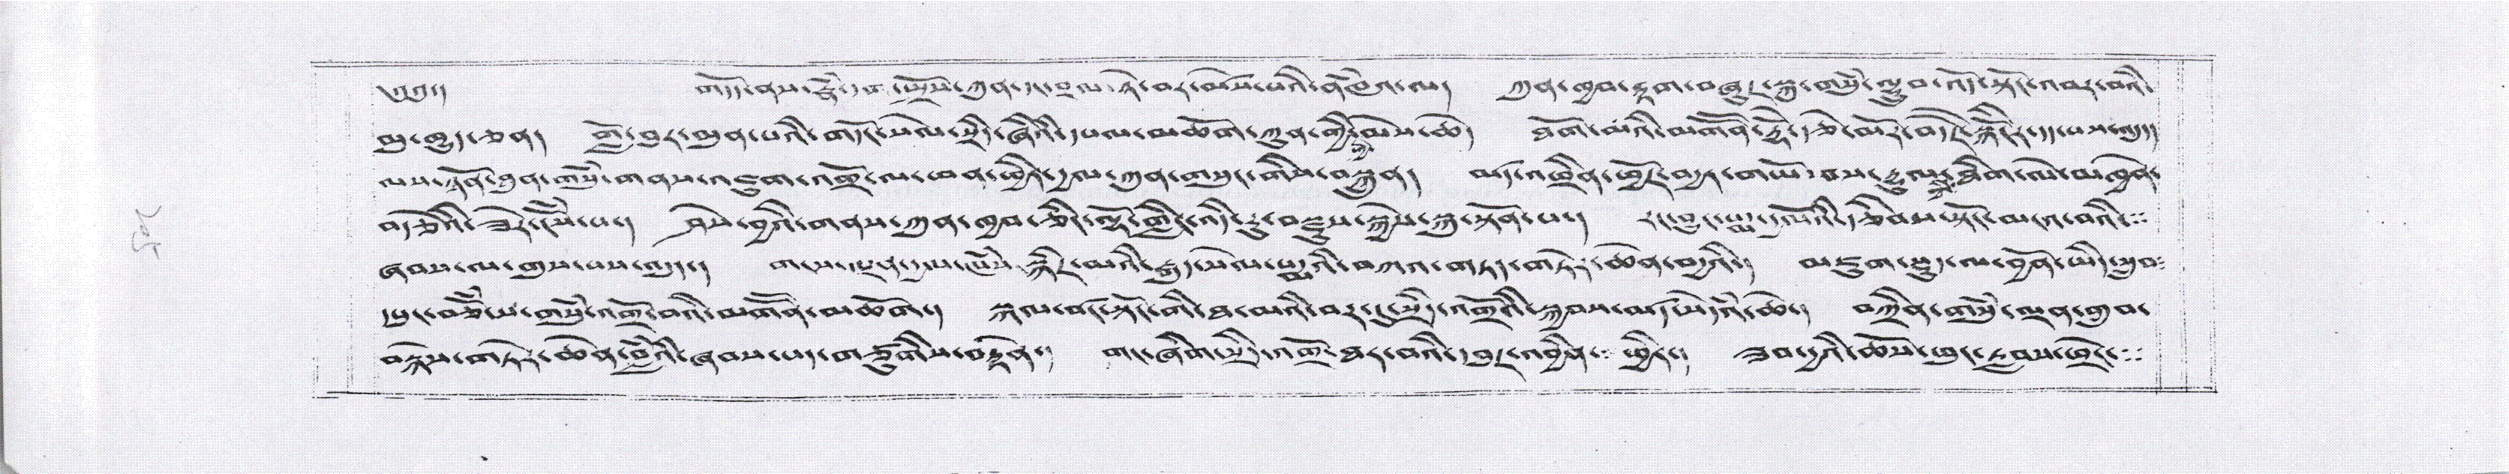གདོད་ནས་རྣམ་དག་སྤྲོས་ཀུན་དང་བྲལ་ཉེ་བར་མཛེས་པའི་ནམ་མཁའ་ལ། ཀུན་ཁྱབ་རྟག་བཞུགས་སྐུ་གསུམ་རྟག་བཞུགས་འོད་སྟོང་འབར་བའི་
མུ་ཁྱུད་ཅན། གློ་བུར་མུན་པའི་གདུང་སེལ་སྲིད་ཞིའི་དཔལ་མཆོག་ཀུན་གྱི་སྤྱི་མེས་ཆེ། ཐོག་མའི་མགོན་པོ་རྡོ་རྗེ་རྩེ་མོར་བདེར་གཤེགས་སྙིང་པོར་དད་པས་འདུད། 
ལས་ཉོན་ཐུན་གསུམ་གནས་འཇུག་འགྲོ་ལ་ཕན་ཕྱིར་རྒྱལ་ཀུན་གསུང་གིས་བསྐྲུན། མཛད་འཕྲིན་ཕྱོགས་རྒྱར་གཡོ་བས་རྡུལ་གྱི་ཐིག་ལེ་མཁྱེན་
བརྩེའི་ཟེར་ངོམས་པ། ཤེས་བྱའི་གནས་ཀུན་ཁྱབ་ཅིང་ལྷོ་གླིང་འདི་རུ་བརྫུས་སྐྱེས་སྐུ་སྟོན་པ། རང་བྱུང་པདྨ་རྒྱལ་པོའི་རྩིབས་སྟོང་མངའ་བའི་
ཞབས་ལ་གུས་པས་འདུད། །གངས་ལྡན་རྒྱལ་ཁམས་སྙིགས་མའི་རྒུད་སེལ་པད་མའི་བཀའ་གཏད་གཏེར་ཆེན་བརྒྱའི། མཇུག་སྡུད་མ་བྱོན་ཡིད་སྲུབས་
དཔུང་བཅོམ་ས་གསུམ་འགྲོ་བའི་མགོན་པོ་མཆོག སྐལ་བཟང་སྟོང་གི་ཐ་མའི་བར་དུ་སྲིད་འགྲོའི་སྐྱབས་མཛད་སེམས་དཔའ་ཆེ། བཀའ་དྲིན་གསུམ་ལྡན་གྲུབ་
བརྙེས་གཏེར་ཆེན་བླ་མའི་ཞབས་པད་གཙུག་གིས་བརྟེན། གང་ཞིག་སྲིད་མཚོར་ཐར་པའི་དབུགས་འབྱིན་ཕྱིར། ཟབ་བརྒྱའི་ཆོས་ཕུང་རླབས་ཕྲེང་